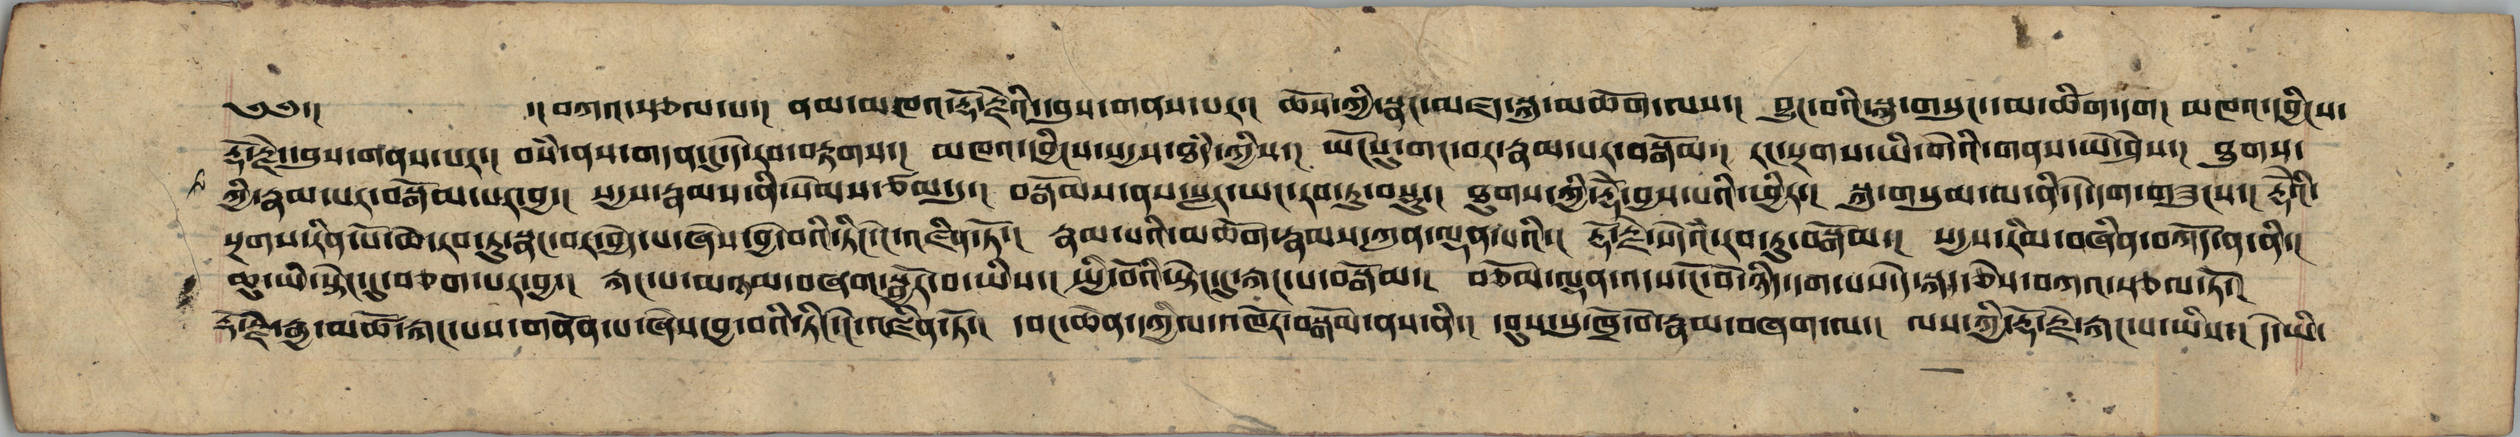༄༅་། ་།བཀའ་སྩལ་པ་། ནམ་མཁའ་རྡོ་རྗེའི་དབུས་གནས་པར་། ཆོས་ཀྱི་སྣང་མཛད་སྐུ་མཆོག་ལས་། བྱུང་བའི་སྐུ་གསུང་དམ་ཚིག་དག། མཁའ་དབྱིངས་
རྡོ་རྗེ་དབུས་གནས་པར་། བསཾ་ནས་གདན་དུ་དེ་རབ་བརྟགས་། མཁའ་དབྱིངས་སདྱས་ཐཾད་ཀྱིས་། ཡོངསུ་གང་བར་རྣམ་པར་བསྒོམ་། རང་སྔགས་ཡི་གེའི་གནས་ཡེ་ཤེས་། ཐུགས་
ཀྱི་རྣམ་པར་བསྒོམ་པར་བྱ་། སདྱས་རྣམས་ནི་སེམས་ཙམ་དུ་། བསྒོམས་ནས་སླར་ཡང་རབ་ཏུ་བསྡུ་། ཐུགས་ཀྱི་རྡོེ་བྱས་པའི་ཕྱིར་། སྐུ་གསུམ་ལ་ནི་དེ་དག་གཟུངས་། རྡོེའི་
སྔགས་རིན་པོ་ཆེ་རབ་ཏུ་སྣང་བར་བྱེད་པ་ཞེས་བྱེ་བའི་ཏིང་ངེ་འཛིན་ཏོ་། རྣམ་པའི་མཆོག་རྣམས་ཀུན་ལྡན་པའི་། རྡོ་རྗེ་སེདའཾ་རབ་ཏུ་བསྒོམ་། སདྱས་རིམ་བཞིན་བཀོད་ན་ནི་།
ཆུ་ཡི་སྟེང་དུ་བཅག་པར་བྱ་། རྐང་པ་མཉམ་བཞག་སྦྱོར་བ་ཡིས་། སྤྱི་བོའི་སྟེང་དུ་རྐང་པ་བསྒོམ་། བཅོམ་ལྡན་འདས་ངོ་བོ་ཉིད་དག་པས་དེ་སྐད་ཅེས་བཀའ་སྩལ་ཏོ་།
རྡོ་རྗེ་རྒྱ་མཚོ་རྐང་པས་གནོན་པ་ཞེས་བྱ་བའི་ཏིང་ངེ་འཛིན་ཏོ་། དབང་ཆེན་དཀྱིལ་འཁོར་བསྒོམ་ནས་ནི་། དབུས་སུ་ཁྲོ་བོ་རྣམ་བཞག་ལ་། ལས་ཀྱི་རྡོ་རྗེ་རྐང་པ་ཡིས་། དེ་ཡི་